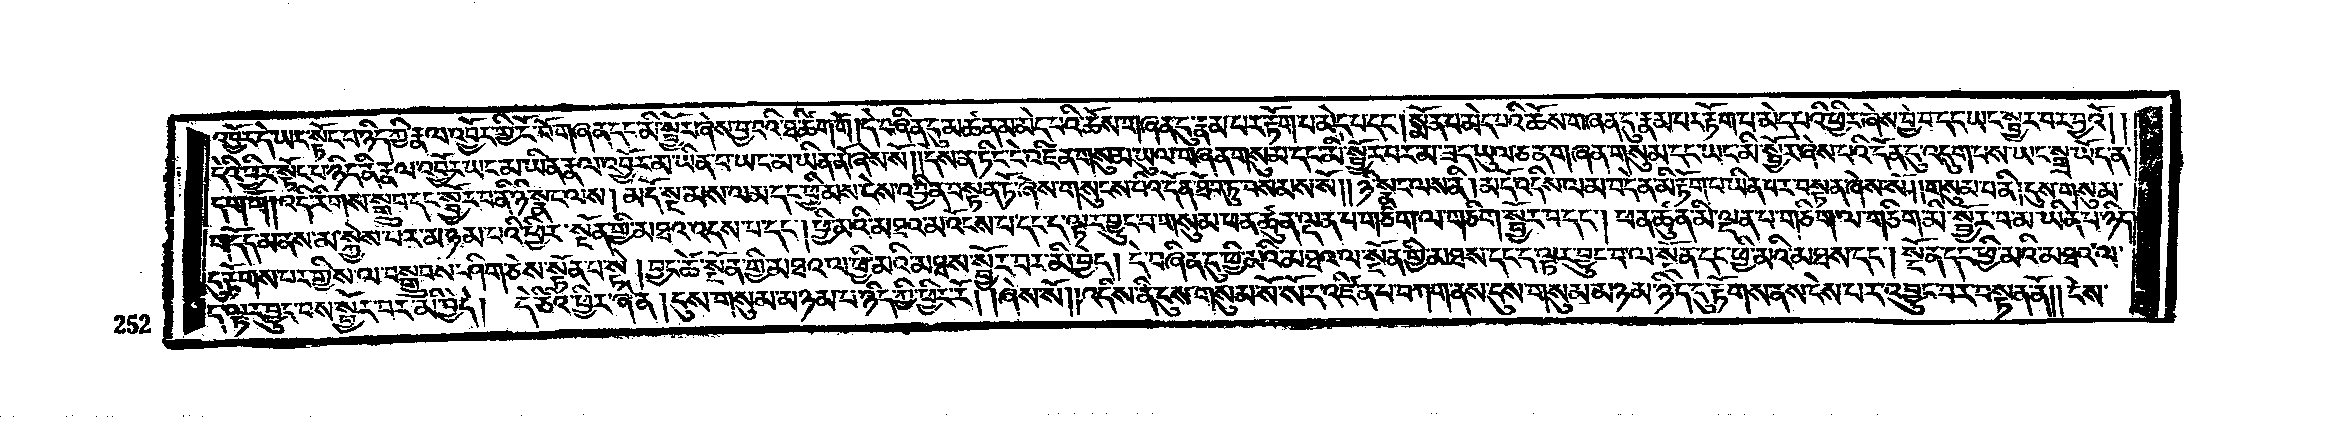འབྱོར་དེ་ཡང་སྟོང་པ་ཉིད་ཀྱི་རྣལ་འབྱོར་གྱི་ངོ་བོ་གཞན་དང་མི་སྦྱོར་ཞེས་བྱ་བའི་ཐ་ཚིག་གོ །དེ་བཞིན་དུ་མཚན་མ་མེད་པའི་ཆོས་གཞན་དུ་རྣམ་པར་རྟོག་པ་མེད་པ་དང་། སྨོན་པ་མེད་པའི་ཆོས་གཞན་དུ་རྣམ་པར་རྟོག་པ་མེད་པའི་ཕྱིར་ཞེས་བྱ་བ་དང་ཡང་སྦྱར་བར་བྱའོ། །
དེའི་ཕྱིར་སྟོང་པ་ཉིད་ནི་རྣལ་འབྱོར་ཡང་མ་ཡིན་རྣལ་འབྱོར་མ་ཡིན་པ་ཡང་མ་ཡིན་ནོ་ཞེས་སོ། །དེས་ན་ཏིང་ངེ་འཛིན་གསུམ་ཡུལ་གཞན་གསུམ་དང་མི་སྦྱོར་བར་མ་ཟད་ཡུལ་ཅན་གཞན་གསུམ་དང་ཡང་མི་སྦྱོར་ཞེས་པའི་དོན་དུ་འདུག་པས་ཡང་སྒྲ་ཡོད་ན་
དག་གོ །འདི་རིགས་སྒྲུབ་དང་སྦྱོར་བ་ནི་ཉི་སྣང་ལས། མདོ་སྔ་མས་ལམ་དང་ཕྱི་མས་ངེས་འབྱིན་བསྟན་ཏོ་ཞེས་གསུངས་པའི་དོན་ཐོབ་ཏུ་བསམས་སོ། །ཉི་སྣང་ལས་ནི། མདོ་འདིས་ལམ་བདེན་མི་རྟོག་པ་ཡིན་པར་བསྟན་ཞེས་སོ། །གསུམ་པ་ནི། དུས་གསུམ་
གདོད་མ་ནས་མ་སྐྱེས་པར་མཉམ་པའི་ཕྱིར་སྔོན་གྱི་མཐའ་འདས་པ་དང་། ཕྱི་མའི་མཐའ་མ་འོངས་པ་དང་ད་ལྟར་བྱུང་བ་གསུམ་ཕན་ཚུན་ལྡན་པ་གཅིག་ལ་གཅིག་སྦྱོར་བ་དང་། ཕན་ཚུན་མི་ལྡན་པ་གཅིག་ལ་གཅིག་མི་སྦྱོར་བ་མ་ཡིན་པ་ཉིད་
དུ་རྟོགས་པར་གྱིས་ལ་བསྒྲུབས་ཤིག་ཅེས་སྟོན་པ་སྟེ། བྱང་ཚེ་སྔོན་གྱི་མཐའ་ལ་ཕྱི་མའི་མཐས་སྦྱོར་བར་མི་བྱེད། དེ་བཞིན་དུ་ཕྱི་མའི་མཐའ་ལ་སྔོན་གྱི་མཐས་དང་ད་ལྟར་བྱུང་བ་ལ་སྔོན་དང་ཕྱི་མའི་མཐས་དང་། སྔོན་དང་ཕྱི་མའི་མཐའ་ལ་
ད་ལྟར་བྱུང་བས་སྦྱོར་བར་མི་བྱེད། དེ་ཅིའི་ཕྱིར་ཞེ་ན། དུས་གསུམ་མཉམ་པ་ཉིད་ཀྱི་ཕྱིར་རོ། །ཞེས་སོ། །འདིས་ནི་དུས་གསུམ་སོ་སོར་འཛིན་པ་བཀག་ནས་དུས་གསུམ་མཉམ་ཉིད་དུ་རྟོགས་ནས་ངེས་པར་འབྱུང་བར་བསྟན་ནོ། །ངེས་